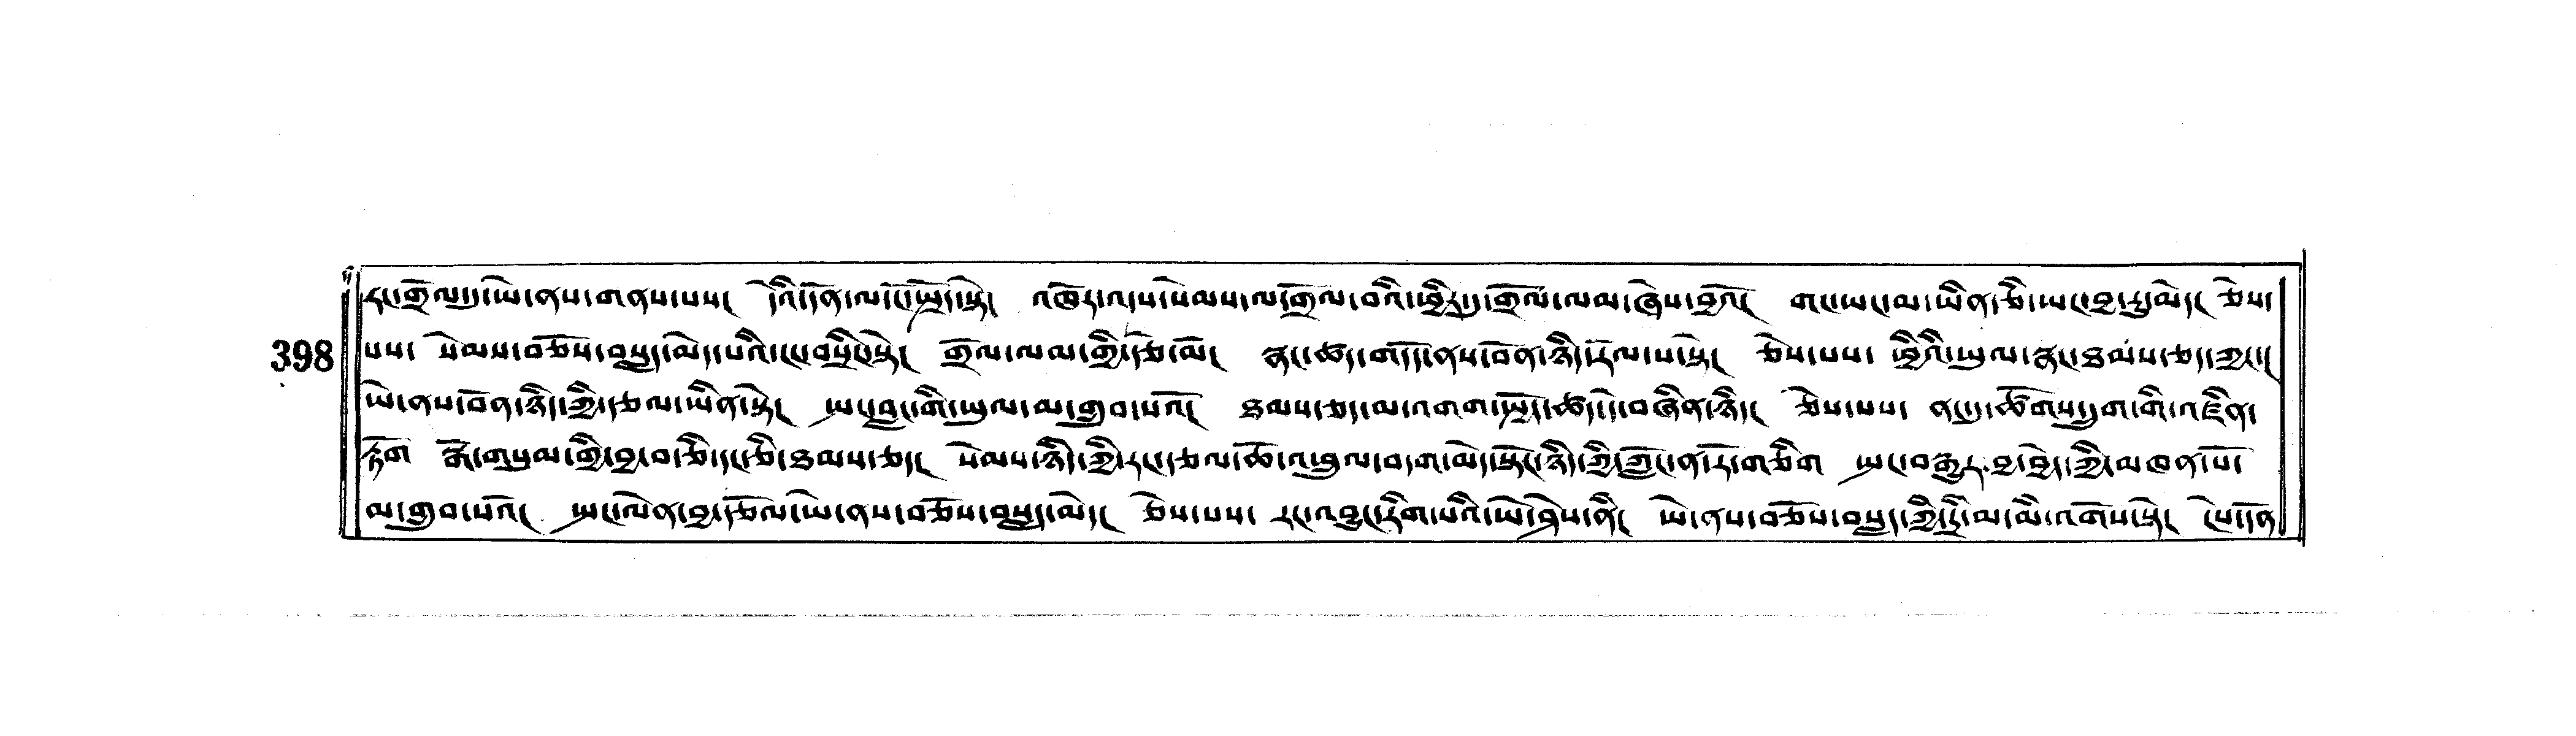རང་གྲོལ་དུ་ཡེ་ནས་གནས་པས། དེའི་དོན་ལ་ངོ་སྤྲོད་དེ། འཁོར་འདས་སེམས་ལ་གྲོལ་བའི་ཕྱིར་དུ་གྲོལ་ལམ་ཞེས་བྱའོ། གང་ཡང་མ་ཡིན་ཅི་ཡང་བྱ་རུ་མེད། ཅེས་
པས། སེམས་བཅོས་སླད་མེད་པའི་ངང་བསྲིང་སྟེ། གྲོལ་ལམ་གྱི་རྩེ་མོ། སྣང་སྲིད་གདོད་ནས་བོན་ཉིད་རོལ་པ་སྟེ། ཅེས་པས། ཕྱི་ཡི་ཡུལ་སྣང་ཐམས་ཅད་ཀྱང་། 
ཡེ་ནས་བོན་ཉིད་ཀྱི་རྩལ་ཡིན་ཏེ། སྤང་བླང་གི་ཡུལ་མ་གྲུབ་པའོ། ཐམས་ཅད་མ་འགག་སྤྱོད་ཚད་དེ་བཞིན་ཉིད། ཅེས་པས། ནང་དུ་ཚོགས་དྲུག་གི་འཛིན་
རྟོག སྒོ་གསུམ་གྱི་བྱ་བ་ཅི་དང་ཅི་ཐམས་ཅད། སེམས་ཉིད་ཀྱི་རང་རྩལ་ཆོ་འཕྲུལ། བདག་མེད་སྟོང་ཉིད་ཀློང་ན་རོ་གཅིག སྤང་སྒྱུར་བྱ་བྱེད་ཀྱི་མཁན་པོ་
མ་གྲུབ་པའོ། སྤང་ལེན་བྱ་རྩོལ་ཡེ་ནས་བཅོས་སླད་མེད། ཅེས་པས། རང་འབྱུང་རིག་པའི་ཡེ་ཤེས་ནི། ཡེ་ནས་བཅོས་སླད་ཀྱི་དྲི་མ་མི་འགོས་ཏེ། ངེས་དོན་